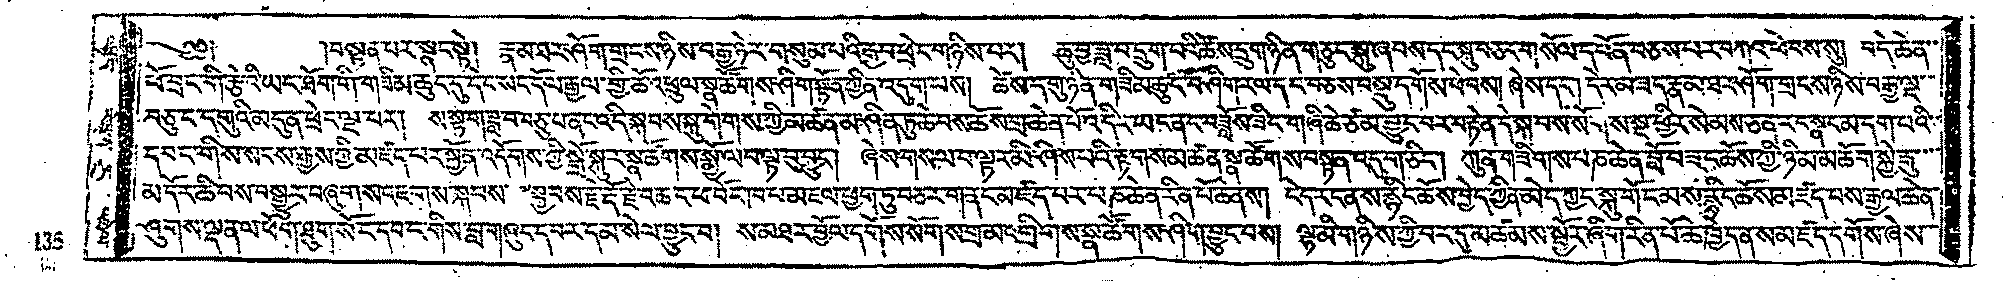༄༅། །བསྟན་པར་སྣང་སྟེ། རྣམ་ཐར་ཤོག་གྲངས་ཉིས་བརྒྱ་ཉེར་གསུམ་པའི་རྒྱབ་ཕྲེང་གཉིས་པར། ཆུ་བྱ་ཟླ་བ་དྲུག་པའི་ཚེས་དྲུག་ཉིན་གཅུང་སྐུ་ཞབས་དང་སྐུ་བཅར་གསོལ་དཔོན་བཅས་པར་བཀའ་ཕེབས་སུ། བདེ་ཆེན་
ཕོ་བྲང་གི་རྩེའི་ཡང་ཐོག་གི་གཟིམ་ཆུང་དུ་དེང་སང་དོལ་རྒྱལ་གྱི་ཆོ་འཕྲུལ་སྣ་ཚོགས་ཤིག་སྟོན་ཀྱིན་འདུག་པས། ཚེས་དགུ་ཉིན་གཟིམ་ཆུང་བཤིག་རལ་དང་བཅས་བསྡུ་དགོས་ཕེབས། ཞེས་དང་། དེར་མ་ཟད་རྣམ་ཐར་ཤོག་གྲངས་ཉིས་བརྒྱ་ལྔ་
བཅུ་ང་དགུའི་མདུན་ཕྲེང་ལྔ་པར། ས་སྟག་ཟླ་བ་བཅུ་པ་ནང་འདི་སྐབས་སྐུ་གེགས་ཀྱི་མཚན་མ་ཤིན་ཏུ་ཆེ་བས་ཆོས་གྲ་ཆེན་པོ་འདིར་ཡང་ནང་བཟློས་ཟིང་གཞི་ཆེ་ཙམ་བྱུང་བར་བརྟེན་དེ་སྐབས་སོགས་སྔ་ཕྱིར་སེམས་ཅན་རང་སྣང་མ་དག་པའི་
དབང་གིས་སངས་རྒྱས་ཀྱི་མཛད་པར་སྐྱོན་འདོགས་ཀྱི་སྒྲོ་སྐུར་སྣ་ཚོགས་སྨྱོ་ལ་བ་ལྟ་བུ་བྱུང་། ཞེས་གསལ་བ་ལྟར་མི་ཤིས་པའི་རྟགས་མཚན་སྣ་ཚོགས་བསྟན་འདུག་ཅིང་། ཀུན་གཟིགས་པཎ་ཆེན་བློ་བཟང་ཆོས་ཀྱི་ཉི་མ་མཆོག་སྐྱེ་རྒུ་
མདོར་ཆིབས་བསྒྱུར་བཞུགས་འཇགས་སྐབས་༧སྐྱབས་རྗེ་རྡོ་རྗེ་འཆང་ཕ་བོང་ཁ་པ་མཇལ་ཕྱག་ཏུ་བཅར་གནང་མཛད་པར་པཎ་ཆེན་རིན་པོ་ཆེ་ནས། ངེད་རང་ནས་རྙིང་ཆོས་བྱེད་ཀྱིན་མེད་ཀྱང་སྐུ་གོང་མས་རྙིང་ཆོས་མཛད་པས་རྒྱལ་ཆེན་
ཤུགས་ལྡན་ལ་ཕོག་ཐུག་སོང་དབང་གིས་བླ་གཞུང་དབར་དམ་སེལ་བྱུང་བ། ས་མཐར་བྱོལ་དགོས་སོགས་གྲ་མ་འགྲིགས་སྣ་ཚོགས་ཤིག་བྱུང་བས། ལྷ་མི་གཉིས་ཀྱི་བར་དུ་མཚམས་སྦྱོར་ཞིག་རིན་པོ་ཆེ་ཁྱེད་ནས་མཛད་དགོས་ཞེས་